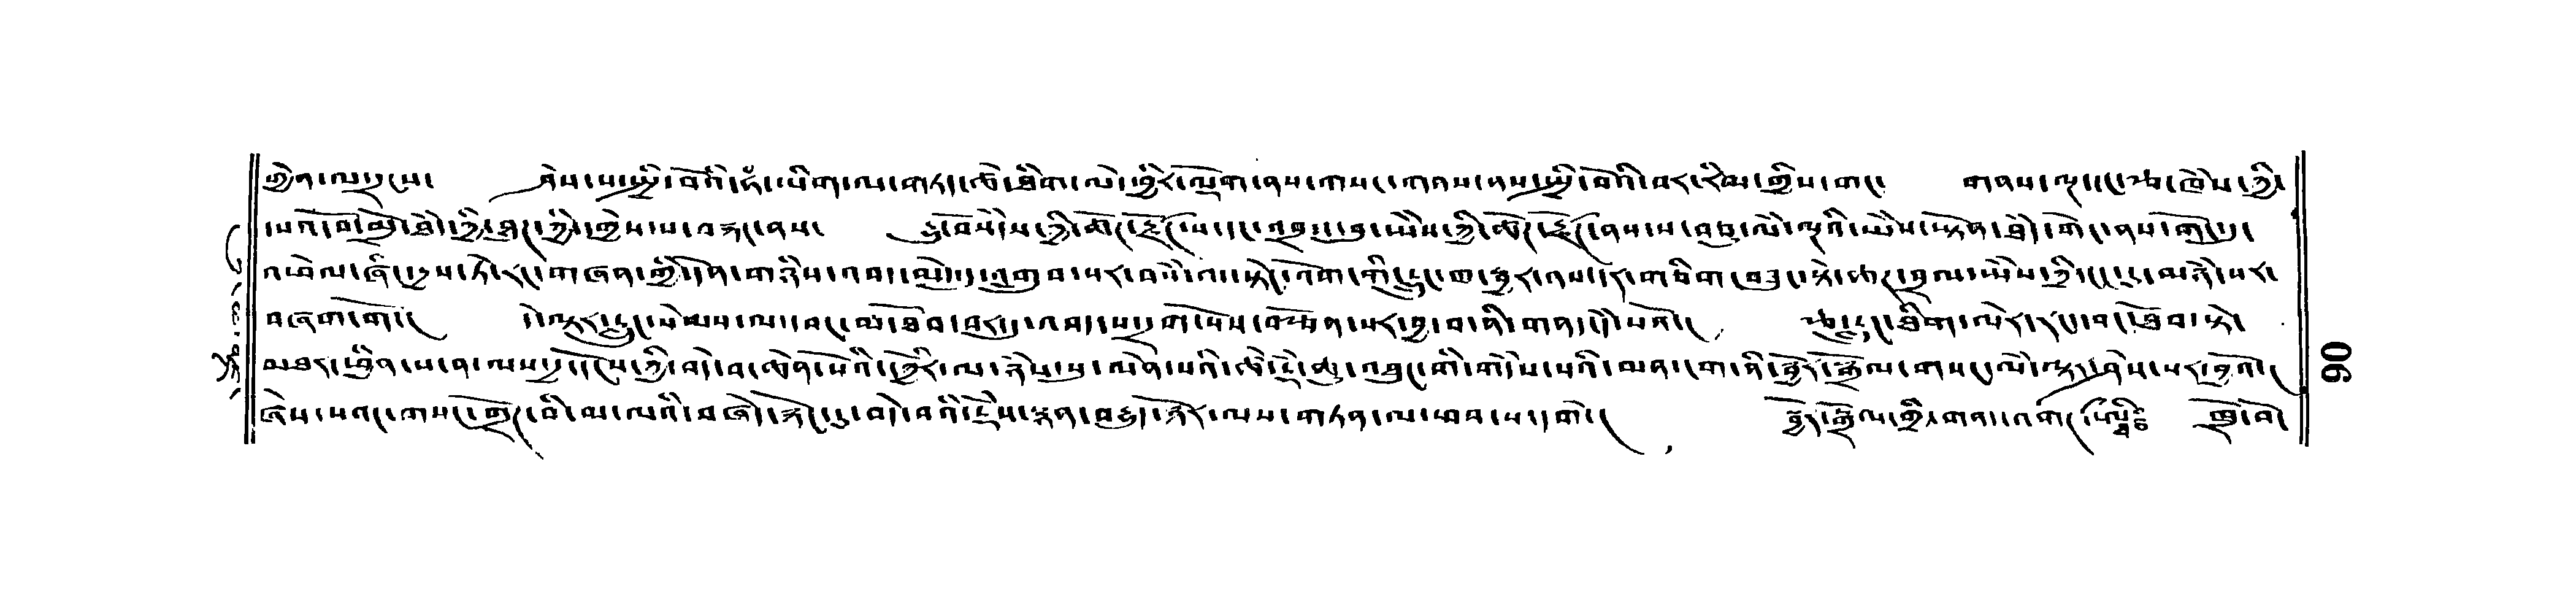གྱེན་ལ་དྲངས། ཤེས་པ་སྤྱི་བོའི་ཧཾ་ཡིག་ལ་གཏད་ཚེ་ཐིག་ལེ་ཕྱིར་ལྡོག་ནས་གསང་གནས་ནས་སྤྱི་བོའི་བར་རིམ་གྱིས་གང་། གནས་ལྔ་དང་རྩ་ཁམས་ཀྱི་
དཔའ་བོ་མཁའ་འགྲོ་ཐམས་ཅད་ཀྱི་ཐུགས་ཀྱི་དགྱེས་པ་བསྐངས་ནས། རྒྱུ་བསོད་ནམས་ཀྱི་ཚོགས་རྫོགས་པ་དང་འབྲས་བུ་ཡེ་ཤེས་ཀྱི་ཚོགས་རྫོགས་ནས་ས་བཅུ་ལམ་ལྔའི་ཡེ་ཤེས་ལྔའི་ཡེ་ཤེས་ཡོན་ཏན་ཐམས་ཅད་གོང་ནས་གོང་དུ་
འཕེལ་ཞིང་རྒྱས་ཏེ་རང་གཞན་གྱི་དོན་གཉིས་འབད་མེད་དུ་འགྲུབ་པར་བསམ་ལ་སྟེང་འོག་གི་རླུང་ཁ་སྦྱར་ནས་དར་གཅིག་བཟུང་སྟེ་ཆགས་བྲལ་ཡེ་ཤེས་ཀྱི་ངང་དུ་མཉམ་པར་
བཞག་གོདེ་ལྟར་རླུང་སེམས་ལ་དབང་མ་ཐོབ་བར་དུ་འབད་པ་དྲག་པོས་བརྩོན་པར་བྱ་བ་ནི་གནད་དམ་པའོ། རྩ་རླུང་ཐིག་ལེར་རང་དབང་ཐོབ་སྟེ་
མཐར་ཕྱིན་པ་ན་ལས་རྒྱ་དངོས་ཀྱི་བདེ་བ་ཆེན་པོའི་དཀྱིལ་འཁོར་ལ་ཉམས་སུ་ལེན་པའི་ཚེ་རྡོ་རྗེ་ཆུ་འཐུང་གི་གདམས་པའི་མན་ངག་ནི་སྦྱོར་སྒྲོལ་གསང་ལམ་ལྟར་ཤེས་པར་བྱའོ། 
ཞེས་པའང་གསང་གྲོགས་བི་མ་ལའི་བཞེད་སྐོང་དུ་བདེ་བའི་རྡོ་རྗེས་སྙན་བརྒྱུད་སྐོར་ལས་གཏན་ལ་ཕབ་པ་དགེ། སྦྱོར་སྒྲོལ་གྱི་གནད་འགག་༔ ཁྲོ་བོ་